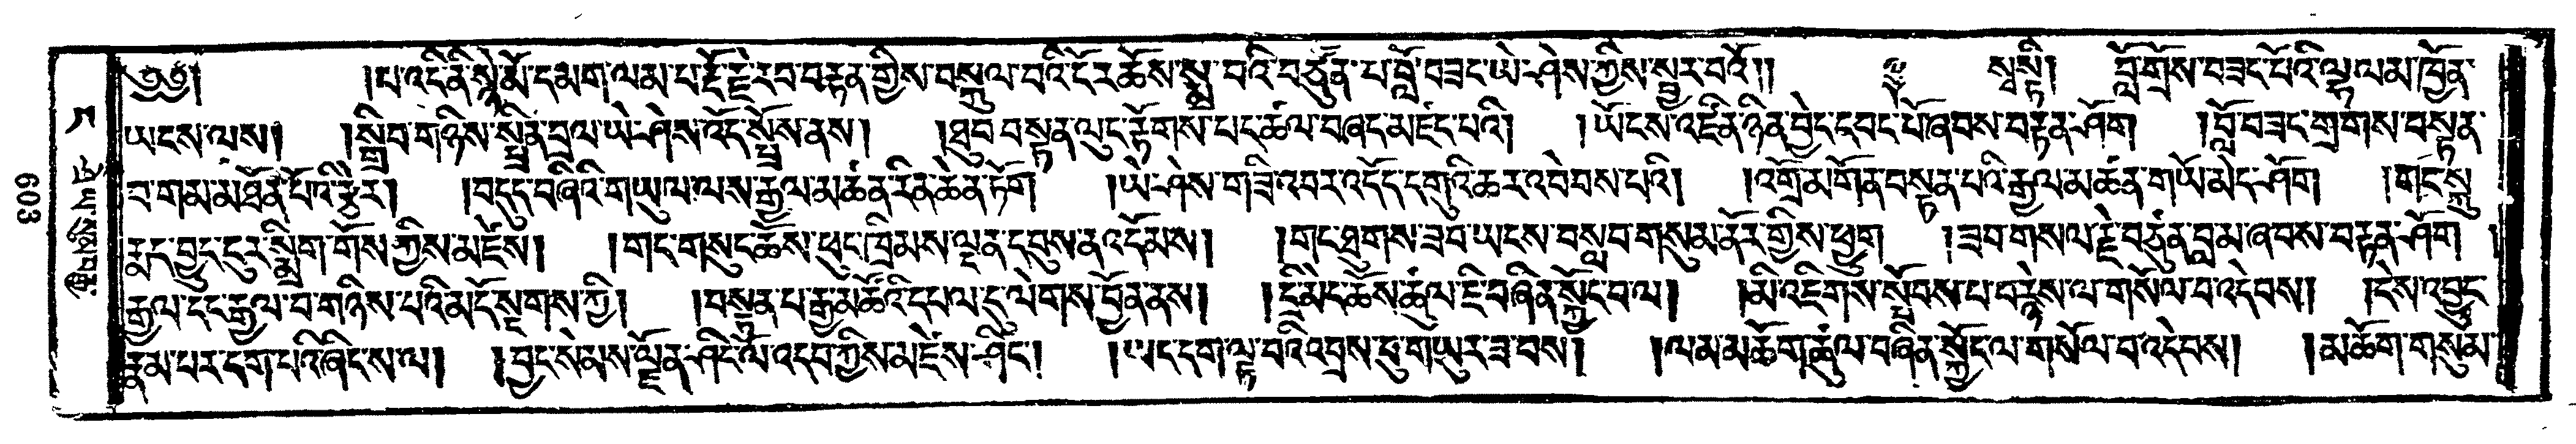ཨ༄༅། །པ་འདི་ནི་སྙེ་མོ་དམག་ལམ་པ་རྡོ་རྗེ་རབ་བརྟན་གྱིས་བསྐུལ་བའི་ངོར་ཆོས་སྨྲ་བའི་བཙུན་པ་བློ་བཟང་ཡེ་ཤེས་ཀྱིས་སྦྱར་བའོ།། ༈ སྭསྟི། བློ་གྲོས་བཟང་པོའི་ལྷ་ལམ་ཁྱོན་
ཡངས་ལས། །སྒྲིབ་གཉིས་སྤྲིན་བྲལ་ཡེ་ཤེས་འོད་སྤྲོས་ནས། །ཐུབ་བསྟན་ལུང་རྟོགས་པང་ཚལ་བཞད་མཛད་པའི། །ཡོངས་འཛིན་ཉིན་བྱེད་དབང་པོ་ཞབས་བརྟན་ཤོག །བློ་བཟང་གྲགས་བསྟན་
པ་གམ་མཐོན་པོའི་རྩེར། །བདུད་བཞིའི་གཡུལ་ལས་རྒྱལ་མཚན་རིན་ཆེན་ཏོག །ཡེ་ཤེས་གཟི་འབར་འདོད་དགུའི་ཆར་འབེབས་པའི། །འགྲོ་མགོན་བསྟན་པའི་རྒྱལ་མཚན་གཡོ་མེད་ཤོག །གང་སྐུ་
རྨད་བྱུང་ངུར་སྨྲིག་གོས་ཀྱིས་མཛེས། །གང་གསུང་ཆོས་ཕུང་ཁྲིམས་ལྡན་དབུས་ན་འདོམས། །གང་ཐུགས་ཟབ་ཡངས་བསླབ་གསུམ་ནོར་གྱིས་ཕྱུག །ཟབ་གསལ་རྗེ་བཙུན་བླ་མ་ཞབས་བརྟན་ཤོག །
རྒྱལ་དང་རྒྱལ་བ་གཉིས་པའི་མདོ་སྔགས་ཀྱི། །བསྟན་པ་རྒྱ་མཚོའི་དཔལ་དུ་ལེགས་བྱོན་ནས། །དྲི་མེད་ཆོས་ཚུལ་ཇི་བཞིན་སྐྱོང་བ་ལ། །མི་འཇིགས་སྤོབས་པ་བརྙེས་ལ་གསོལ་བ་འདེབས། །ངེས་འབྱུང་
རྣམ་པར་དག་པའི་ཞིང་ས་ལ། །བྱང་སེམས་ལྗོན་ཤིང་ལོ་འདབ་ཀྱིས་མཛེས་ཤིང་། །ཡང་དག་ལྟ་བའི་འབྲས་བུ་གཡུར་ཟ་བས། །ལམ་མཆོག་ཚུལ་བཞིན་སྐྱོང་ལ་གསོལ་བ་འདེབས། །མཆོག་གསུམ་